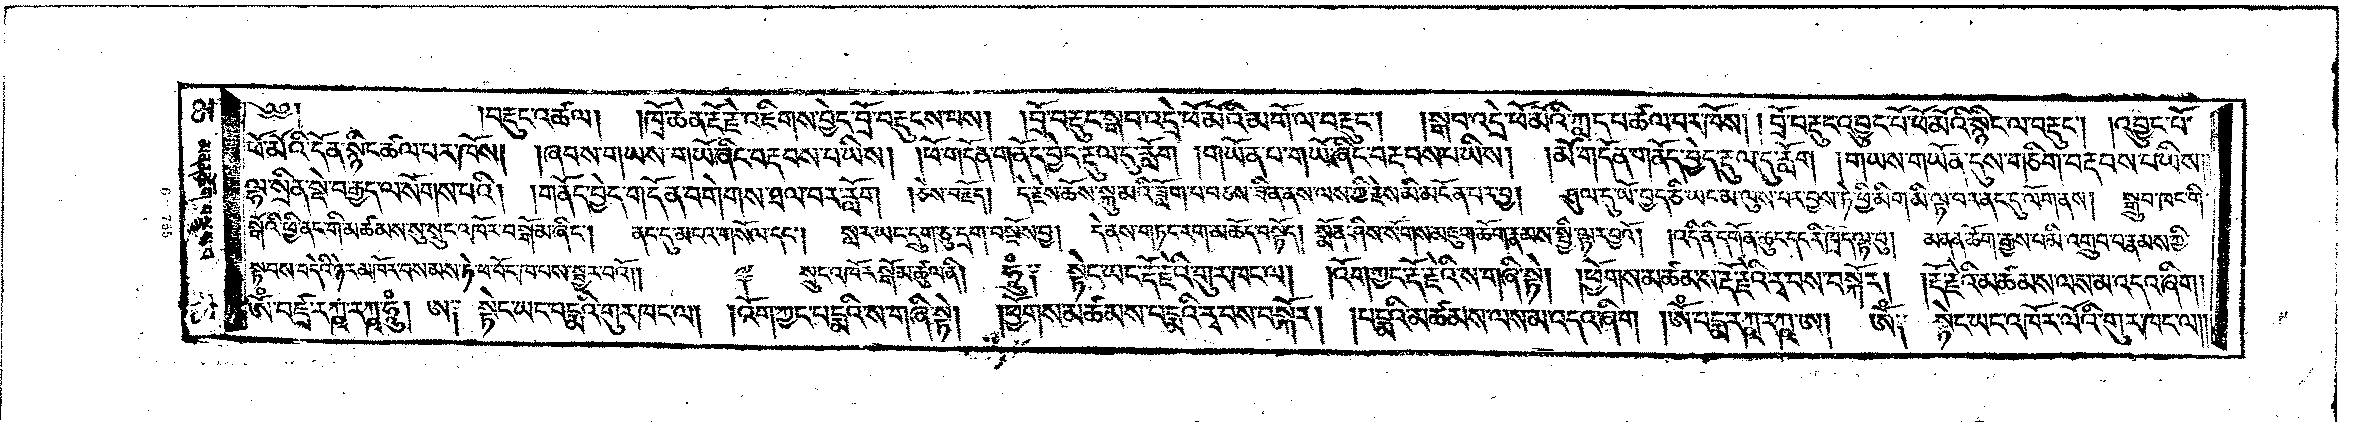༄༅། །བརྡུང་འཚལ། །ཁྲོ་ཆེན་རྡོ་རྗེ་འཇིགས་བྱེད་བྲོ་བརྡུངས་པས། །བྲོ་བརྡུང་སྒབ་འདྲེ་ཕོ་མོའི་མགོ་ལ་བརྡུང་། །སྒབ་འདྲེ་ཕོ་མོའི་ཀླད་པ་ཚལ་བར་ཁོས། །བྲོ་བརྡུང་འབྱུང་པོ་ཕོ་མོའི་སྙིང་ལ་བརྡུང་། །འབྱུང་པོ་
མོ་ཕོའི་དོན་སྙིང་ཚལ་བར་ཁོས། །ཞབས་གཡས་གཡོ་ཞིང་བརྡབས་པ་ཡིས། །ཕོ་གདོན་གནོད་བྱེད་རྡུལ་དུ་རློག །གཡོན་པ་གཡོ་ཞིང་བརྡབས་པ་ཡིས། །མོ་གདོན་གནོད་བྱེད་རྡུལ་དུ་རློག །གཡས་གཡོན་དུས་ཅིག་བརྡབས་པ་ཡིག་
ལྷ་སྲིན་སྡེ་བརྒྱད་ལ་སོགས་པའི། །གནོད་བྱེད་གདོན་བགེགས་ཐལ་བར་རློག །ཅེས་བརྗོད། དེ་རྗེས་ཆོས་སྐུ་མའི་ཟློག་པ་བཅས་ཟིན་ནས་ལས་ཀྱི་རྗེས་མི་མངོན་པར་བྱ། །ཤུལ་དུ་ཡོ་བྱད་ཅི་ཡང་མ་ལུས་པར་བྱས་ཏེ་ཕྱི་མིག་མི་ལྟ་བར་ནང་དུ་ལོག་ནས། སྒྲུབ་ཁང་གི་
སྒོའི་ཕྱི་ནང་གི་མཚམས་སུ་སྲུང་འཁོར་བསྒོམ་ཞིང་། ནང་དུ་མངའ་གསོལ་དང་། སླར་ཡང་དྲུག་ཅུ་དྲག་བསྔོས་བྱ། དེ་ནས་བཏང་རག་མཆོད་བསྟོད། སྨོན་ཤིས་སོགས་མཇུག་ཆོག་རྣམས་སྤྱི་ལྟར་བྱའོ། །འདི་ནི་དགོན་ཆུང་དང་རི་ཁྲོད་ལྟ་བུ། མནན་ཆོག་རྒྱས་པ་མི་འགྲུབ་པ་རྣམས་ཀྱི་
སྟབས་བདེའི་ཉེར་མཁོར་བསམས་ཏེ་ཕ་བོང་ཁ་པས་སྦྱར་བའོ།། ༈ སྲུང་འཁོར་སྒོམ་ཚུལ་ནི། །ཧཱུཾ༑ སྟེང་ཡང་རྡོ་རྗེའི་གུ་ར་ཁང་ལ། །འོག་ཀྱང་རྡོ་རྗེའི་ས་གཞི་སྟེ། །ཕྱོགས་མཚམས་རྡོ་རྗེའི་རྭ་བས་བསྐོར། །རྡོ་རྗེའི་མཚམས་ལས་མ་འདའ་ཞིག །
ཨོཾ་བཛྲ་རཀྵ་རཀྵ་ཧཱུཾ། ཨ༑ སྟེང་ཡང་པདམའི་གུར་ཁང་ལ། །འོག་ཀྱང་པདམའི་ས་གཞི་སྟེ། །ཕྱོགས་མཚམས་པདམའི་རྭ་བས་བསྐོར། །པདམའི་མཚམས་ལས་མ་འདའ་ཞིག །ཨོཾ་པདམ་རཀྵ་རཀྵ་ཨ། ཨོཾ། སྟེང་ཡང་འཁོར་ལོའི་གུར་ཁང་ལ།།